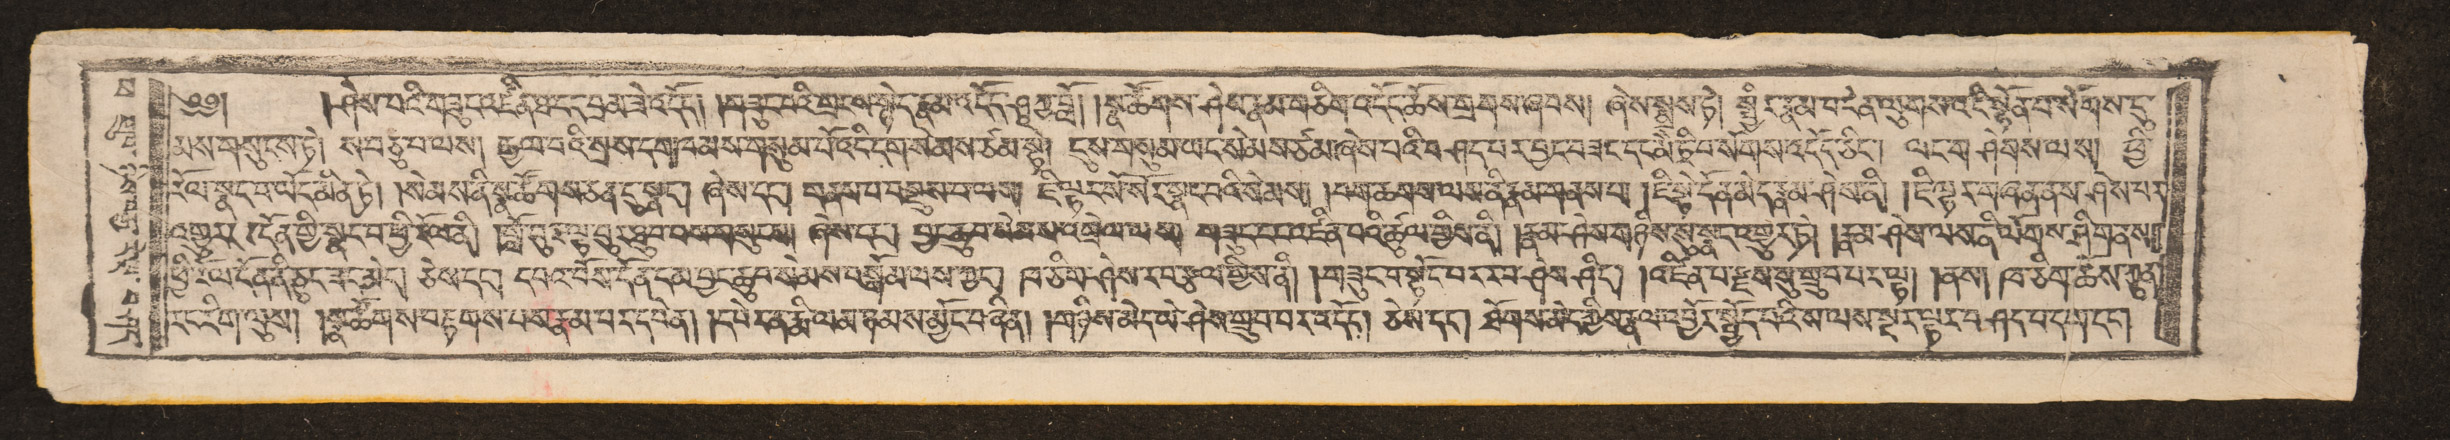༄༅། །ཤེས་པའི་གཟུང་འཛིན་ཐ་དད་བྲམ་ཟེ་འདོད། །གཟུང་བའི་གྲངས་སྙེད་རྣམ་འདོད་ཤཱཀྱ་བློ། །སྣ་ཚོགས་ཤེས་རྣམ་གཅིག་འདོད་ཆོས་གྲགས་ཞབས། ཞེས་སྨྲས་ཏེ། སྤྱིར་རྣམ་བདེན་ལུགས་འདི་སྟོན་པ་སོགས་དུ་
མས་གསུངས་ཏེ། ས་བཅུ་པ་ལས། རྒྱལ་བའི་སྲས་དག་ཁམས་གསུམ་པོ་འདི་དག་སེམས་ཙམ་སྟེ། དུས་གསུམ་ཡང་སེམས་ཙམ་ཞེས་པའི་བཤད་པར་བྱང་བཟང་དང་མཻ་ཏྲི་པ་སོགས་འདོད་ཅིང་། ལང་གཤེགས་ལས། ཕྱི་
རོལ་སྣང་བ་ཡོད་མིན་ཏེ། །སེམས་ནི་སྣ་ཚོགས་ཅན་དུ་སྣང་། ཞེས་དང་། གནས་པ་བསྡུས་པ་ལས། ཇི་ལྟར་སོ་སོར་སྣང་བའི་སེམས། །བག་ཆགས་ལས་ནི་རྣམ་གནས་པ། །ཇི་སྟེ་དོན་མེད་རྣམ་ཤེས་ནི། །ཇི་ལྟར་གཞན་ནས་ཤེས་པར་
འགྱུར༑ ༑དོན་གྱི་སྣང་བ་ཕྱི་རོལ་ནི། །གློ་བུར་ལྟ་བུར་ཐུབ་པས་གསུངས། ཞེས་དང་། བྱང་ཆུབ་སེམས་འགྲེལ་ལས། གཟུང་དང་འཛིན་པའི་ཚུལ་གྱིས་ནི། །རྣམ་ཤེས་གཉིས་སུ་སྣང་འགྱུར་ཏེ། །རྣམ་ཤེས་ལས་ནི་ལོགས་ཤིག་ནས།།
ཕྱི་རོལ་དོན་ནི་ཅུང་ཟད་མེད། ཅེས་དང་། དཔའ་པོས་དོན་དམ་བྱང་ཆུབ་སེམས་བསྒོམ་ལས་ཀྱང་། ཁ་ཅིག་ཤེས་རབ་རྩལ་གྱིས་ནི། །གཟུང་བ་སྟོང་པར་རབ་ཤེས་ཤིང་། །འཛིན་པ་རྫས་སུ་གྲུབ་པར་ལྟ། །ནས། ཁ་ཅིག་ཆོས་ཀུན་
རང་རིག་ལུས། །སྣ་ཚོགས་བརྟགས་པས་རྣམ་པར་དབེན། །དཔེར་ན་རྨི་ལམ་ཉམས་མྱོང་བཞིན། །གཉིས་མེད་ཡེ་ཤེས་གྲུབ་པར་འདོད། ཅེས་དང་། ཐོགས་མེད་ཀྱིས་རྣལ་འབྱོར་སྤྱོད་པའི་ས་ལས་སྔར་ལྟར་བཤད་པ་དག་དང་།